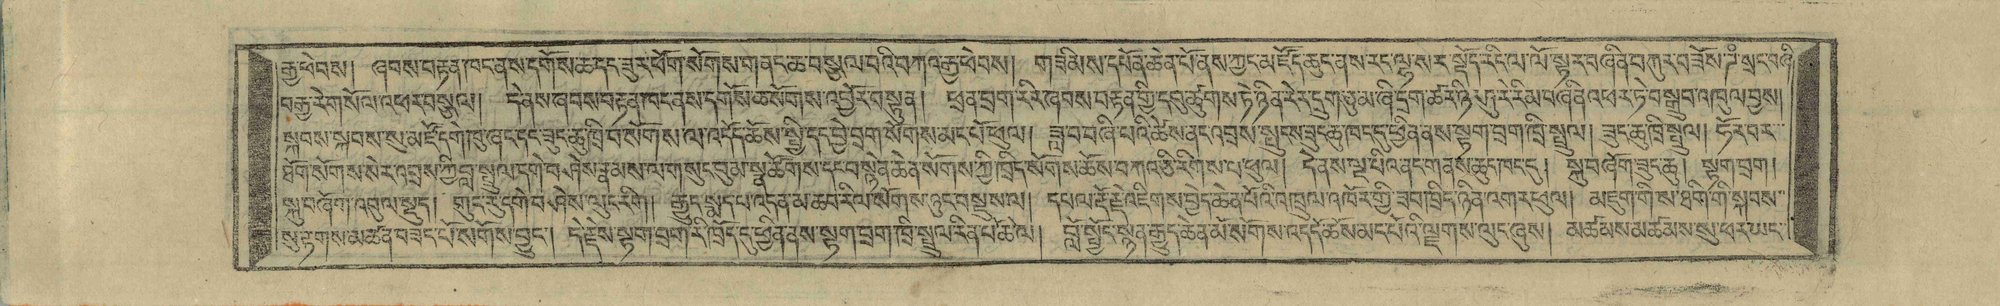རྒྱ་ཕེབས། ཞབས་བརྟན་ཁང་ནས་དགོས་ཆ་དང་ཟུར་ཕོག་སོགས་གནང་ཆ་བསྩལ་བའི་བཀའ་རྒྱ་ཕེབས། གཟིམས་དཔོན་ཆེན་པོ་ནས་ཀྱང་མཛོད་ཆུང་ནས་རང་ལྷ་སར་སྡོད་རིང་ལ་ལོ་སྟར་བཞིན་བཀུར་བཟོས་ཌཾ་སྲང་བཞི་
བརྒྱ་རེ་གསོལ་འཕར་བསྩལ། དེ་ནས་ཞབས་བརྟན་ཁང་ནས་དགོས་ཆ་སོགས་འབྱོར་བསྟུན། ཕྲན་བྲག་རིར་ཞབས་བརྟན་གྱི་དབུ་ཚུགས་ཏེ་ཉིན་རེར་དྲུག་ཅུ་མ་ཞི་དྲག་ཚར་ཉི་ཤུ་རེ་རིམ་བཞིན་འཕར་ཏེ་བསྒྲུབ་འཁུལ་བྱས།
སྐབས་སྐབས་སུ་མཛོད་དགེ་ཁུ་ཞང་དང་ཟུང་ཆུ་ཁྲི་བ་སོགས་ལ་འདོད་ཆོས་སྤྱི་དང་བྱེ་བྲག་སོགས་མང་པོ་ཕུལ། ཟླ་བ་བཞི་པའི་ཚེས་ནང་འབྲས་སྤུངས་ཟུང་ཆུ་ཁང་དུ་ཕྱིན་ནས་སྟག་བྲག་ཁྲི་སྤྲུལ། ཟུང་ཆུ་ཁྲི་སྤྲུལ། ཧོར་བར་
ཐོག་སོགས་སེར་འབྲས་ཀྱི་བླ་སྤྲུལ་དགེ་བཤེས་རྣམས་ལ་གསུང་བུམ་སྣ་ཚོགས་དང་བསྙེན་ཆེན་སོགས་ཀྱི་ཁྲིད་སོགས་ཆོས་བཀའ་ཅི་རིགས་པ་ཕུལ། དེ་ནས་ལྔ་པའི་ནང་གནས་ཆུང་ཁང་དུ། སྐུ་བཞོག་ཟུང་ཆུ། སྟག་བྲག །
སྐུ་བཞོག་འབུལ་སྡུད། གུང་རུ་དགེ་བཤེས་ལུང་རིག །རྒྱུད་སྨད་པ་འདན་མ་ཆབ་རི་ལ་སོགས་ཉུང་བསྡུས་ལ། དཔལ་རྡོ་རྗེ་འཇིགས་བྱེད་ཆེན་པོའི་འཁྲུལ་འཁོར་གྱི་ཟབ་ཁྲིད་ཉིན་འགར་ཕུལ། མཇུག་གི་ས་ཐིག་གི་སྐབས་
སུ་རྟགས་མཚན་བཟང་པོ་སོགས་བྱུང་། དེ་རྗེས་སྟག་བྲག་རི་ཁྲོད་དུ་ཕྱིན་ནས་སྟག་བྲག་ཁྲི་སྤྲུལ་རིན་པོ་ཆེ་ལ། བློ་སྦྱོང་སྙན་རྒྱུད་ཆེན་མོ་སོགས་འདོད་ཆོས་མང་པོའི་ལྗགས་ལུང་ཞུས། མཚམས་མཚམས་སུ་ཕར་ཡང་